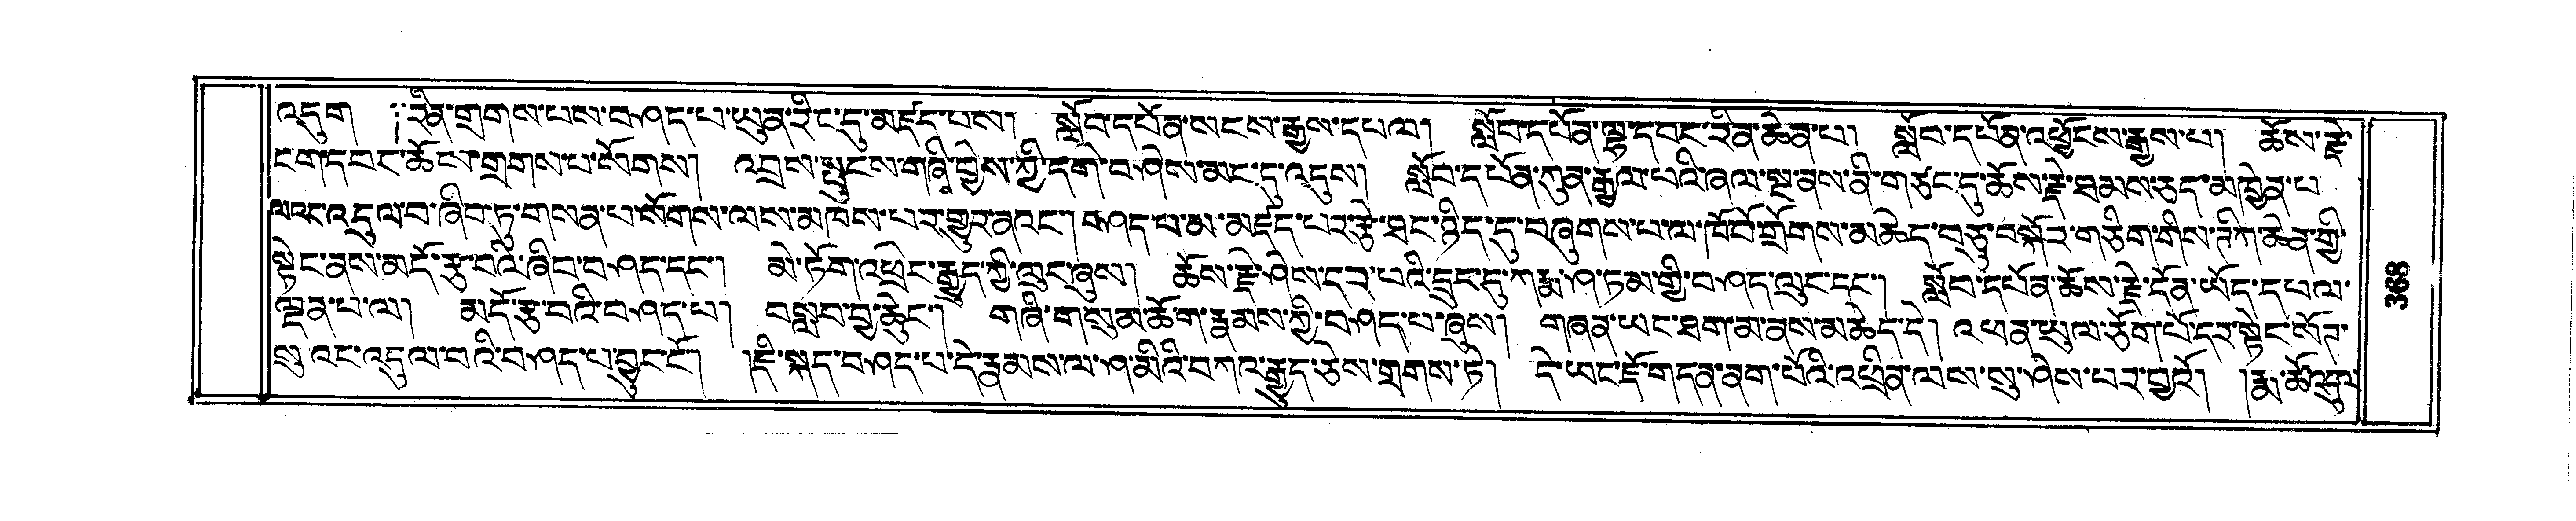འདུག ༑རིན་གྲགས་པས་བཤད་པ་ཡུན་རིང་དུ་མཛད་པས། སློབ་དཔོན་སངས་རྒྱས་དཔལ། སློབ་དཔོན་ལྷ་དབང་རིན་ཆེན་པ། སློབ་དཔོན་འཕྱོངས་རྒྱས་པ། ཆོས་རྗེ་
ངག་དབང་ཆོས་གྲགས་པ་སོགས། འབྲས་སྤུངས་གཞིས་བྱེས་ཀྱི་དགེ་བཤེས་མང་དུ་འདུས། སློབ་དཔོན་ཀུན་རྒྱལ་པའི་ཞལ་སྔ་ནས་ནི་གཙང་དུ་ཆོས་རྗེ་ཐམས་ཅད་མཁྱེན་པ་
ལའང་འདུལ་བ་ཞིབ་ཏུ་གསན་པ་སོགས་ལས་མཁས་པར་གྱུར་ནའང་། བཤད་པ་མ་མཛད་པར་རྩེ་ཐང་ཉིད་དུ་བཞུགས་པ་ལ་ཁོ་བོ་གྲོགས་མཆེད་བཅུ་བསྐོར་གཅིག་གིས་ཊིཀ་ཆེན་གྱི་
སྟེང་ནས་མདོ་རྩ་བའི་ཞིབ་བཤད་དང་། མེ་ཏོག་འཕྲེང་རྒྱུད་ཀྱི་ལུང་ཞུས། ཆོས་རྗེ་ཤེས་དར་པའི་དྲུང་དུ་ཀརྨ་ཤ་ཏམ་གྱི་བཤད་ལུང་དང་། སློབ་དཔོན་ཆོས་རྗེ་དོན་ཡོད་དཔལ་
ལྡན་པ་ལ། མདོ་རྩ་བའི་བཤད་པ། བསླབ་བྱ་ཆུང་། གཞི་གསུམ་ཆོ་ག་རྣམས་ཀྱི་བཤད་པ་ཞུས། གཞན་ཡང་ཐག་མ་ནས་མཆེད་དེ། འཕན་ཡུལ་ཅོག་པོ་དར་སྟེང་སོཊ་
སུའང་འདུལ་བའི་བཤད་པ་བྱུང་ངོ། །ཇི་སྐད་བཤད་པ་དེ་རྣམས་ལ་ཤ་མིའི་བཀའ་རྒྱུད་ཅེས་གྲགས་ཏེ། དེ་ཡང་ཇོ་གདན་ནག་པོའི་འཕྲིན་ལས་སུ་ཤེས་པར་བྱའོ། །རྨ་ཚོ་འདུལ་